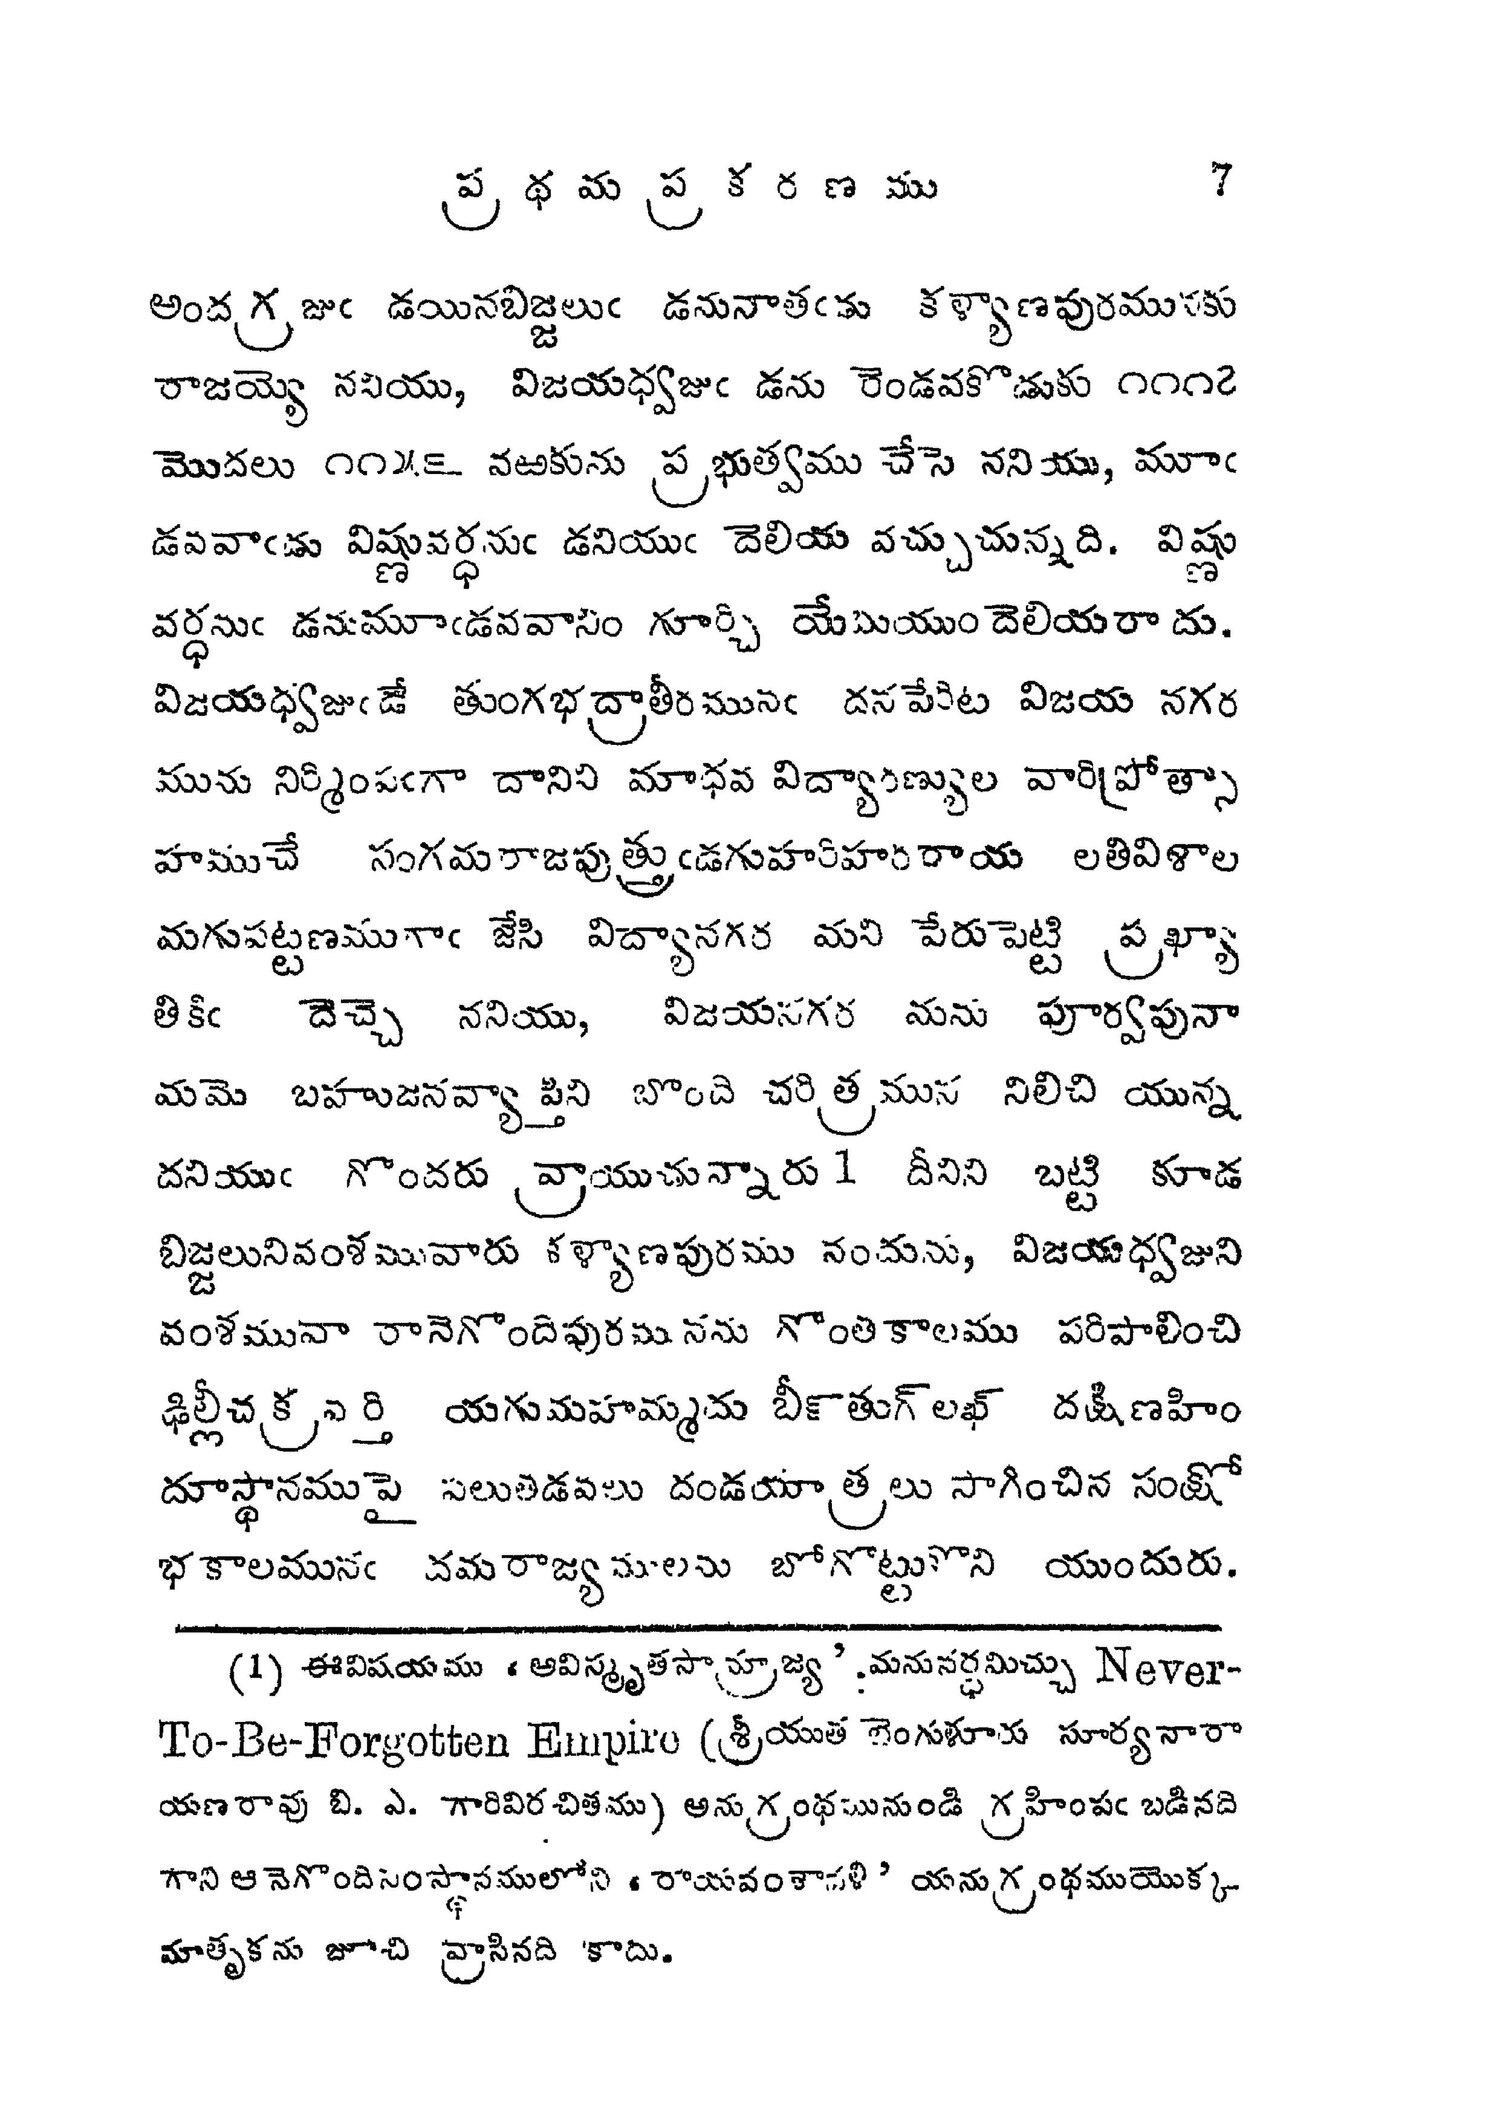అందగ్రజు డయిన బిజ్జలు డనునాతడు కళ్యాణపురమునకు రాజయ్యె ననియు, విజయధ్వజు డను రెండవకొడుకు 1117 మొదలు 1156 వఱకును ప్రభుత్వము చేసె ననియు, మూడవవాడు విష్ణువర్ధను డనియు దెలియ వచ్చుచున్నది. విష్ణువర్ధను డనుమూడవవానిం గూర్చి యేమియుం దెలియరాదు. విజయధ్వజుడే తుంగభద్రాతీరమున దనపేరిట విజయ నగరమును నిర్మింపగా దానిని మాధవ విద్యారణ్యుల వారిప్రోత్సాహముచే సంగమరాజపుత్రుడగు హరిహరరాయ లతివిశాల మగుపట్టణముగా జేసి విద్యానగర మని పేరుపెట్టి ప్రఖ్యాతికి దెచ్చె ననియు, విజయనగర మను పూర్వపునామమె బహుజనవ్యాప్తిని బొంది చరిత్రమున నిలిచి యున్నదనియు గొందరు వ్రాయుచున్నారు దీనిని బట్టి కూడ బిజ్జలునివంశమువారు కళ్యాణపురము నందును, విజయధ్వజుని వంశమువా రానెగొందిపురమునను గొంతకాలము పరిపాలించి డిల్లీచక్రవర్తి యగుమహమ్మదు బీన్‌తుగ్‌లఖ్ దక్షిణహిందూస్థానముపై పలుతడవలు దండయాత్రలు సాగించిన సంక్షోభకాలమున దమరాజ్యములను బోగొట్టుకొని యుందురు.